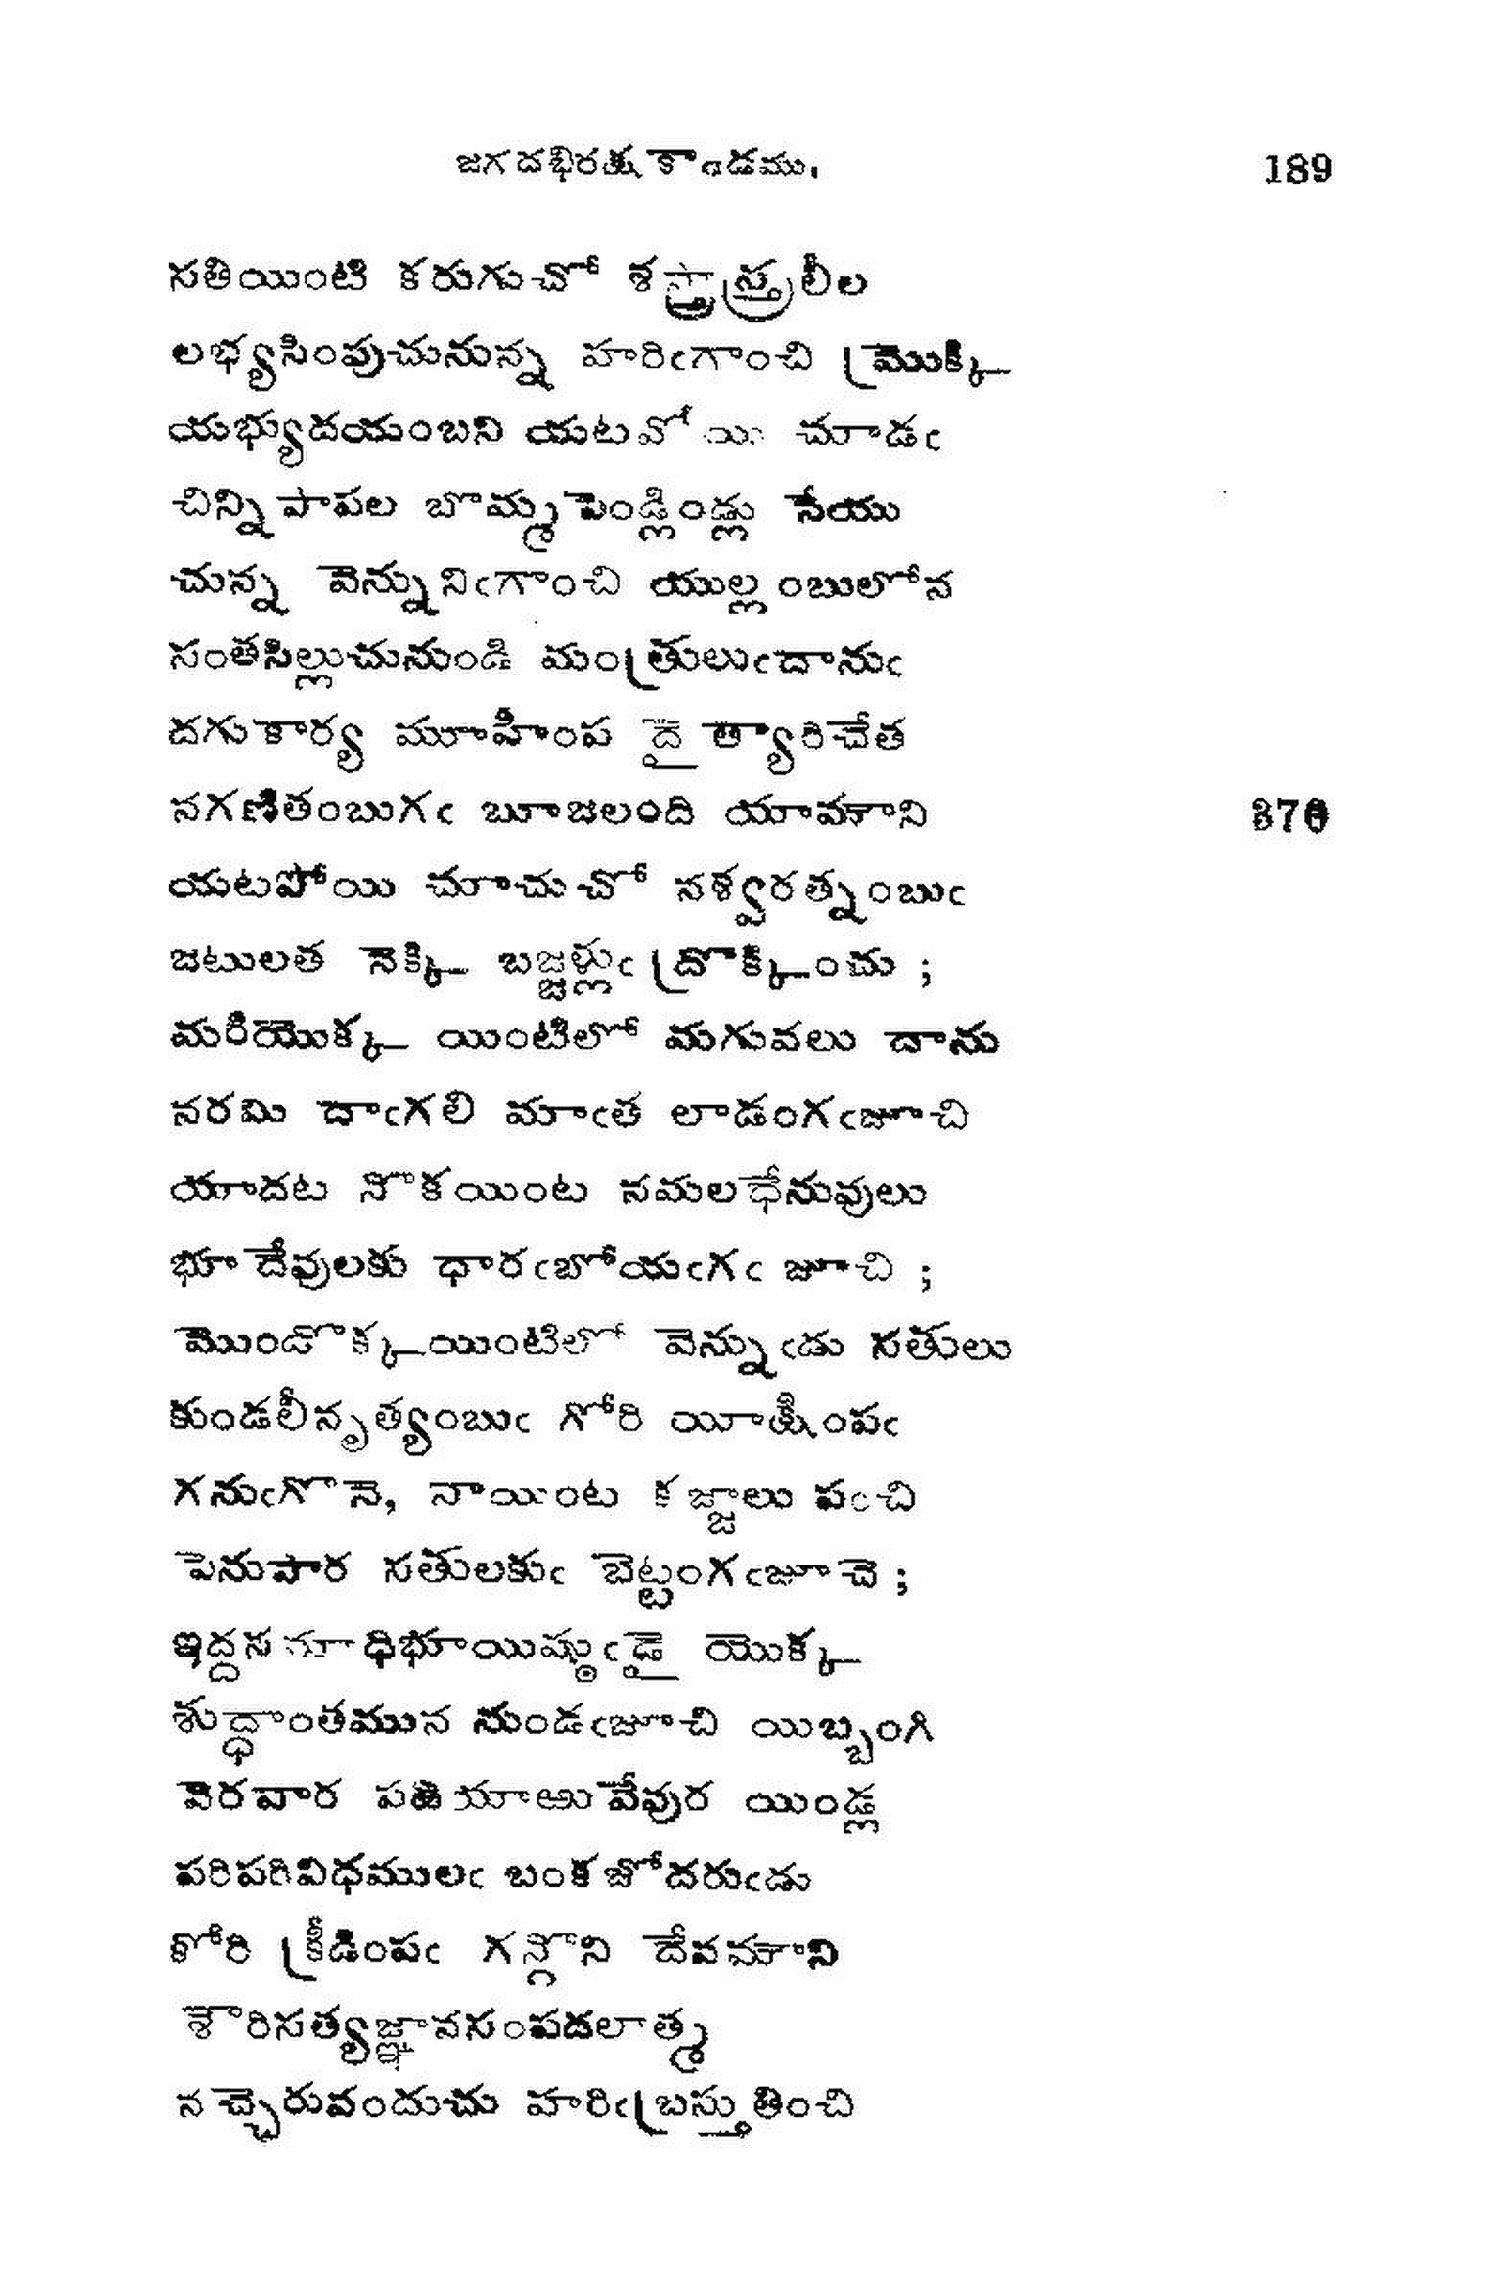సతియింటి కరుగుచో శస్త్రాస్త్రలీల
లభ్యసింపుచునున్న హరిగాంచి మ్రొక్కి
యభ్యుదయంబని యటవోయి చూడఁ
చిన్నిపాపల బొమ్మపెండ్లిండ్లు సేయు
చున్న వెన్నునిఁగాంచి యుల్లంబులోన
సంతసిల్లుచునుండి మంత్రులుఁదానుఁ
దగుకార్య మూహింప దైత్యారిచేత
నగణితంబుగఁ బూజలంది యామౌని
యటపోయి చూచుచో నశ్వరత్నంబుఁ
జటులత నెక్కి బజ్జళ్లుఁ ద్రొక్కించు; 
మరియొక్క యింటిలో మగువలు దాను
నరమి దాఁగలిమూఁత లాడంగఁజూచి
యాదట నొకయింట నమలధేనువులు
భూదేవులకు ధారఁబోయఁగఁ జూచి; 
వెండొక్క యింటిలో వెన్నుఁడు సతులు
కుండలీనృత్యంబుఁ గోరి యీక్షింపఁ
గనుగొనె, నాయింట కజ్జాలు పంచి
పెనుపార సతులకుఁ బెట్టంగఁజూచె; 
ఇద్దసమాధిభూయిష్ఠుఁడై యొక్క
శుద్ధాంతమున నుండఁజూచి యిబ్బంగి
వెరవార పదియాఱువేవుర యిండ్ల
పరిపరివిధములఁ బంకజోదరుఁడు 
కోరి క్రీడింపఁ గన్గొని దేవమౌని
శౌరిసత్యజ్ఞానసంపదలాత్మ
నచ్చెరువందుచు హరిఁబ్రస్తుతించి